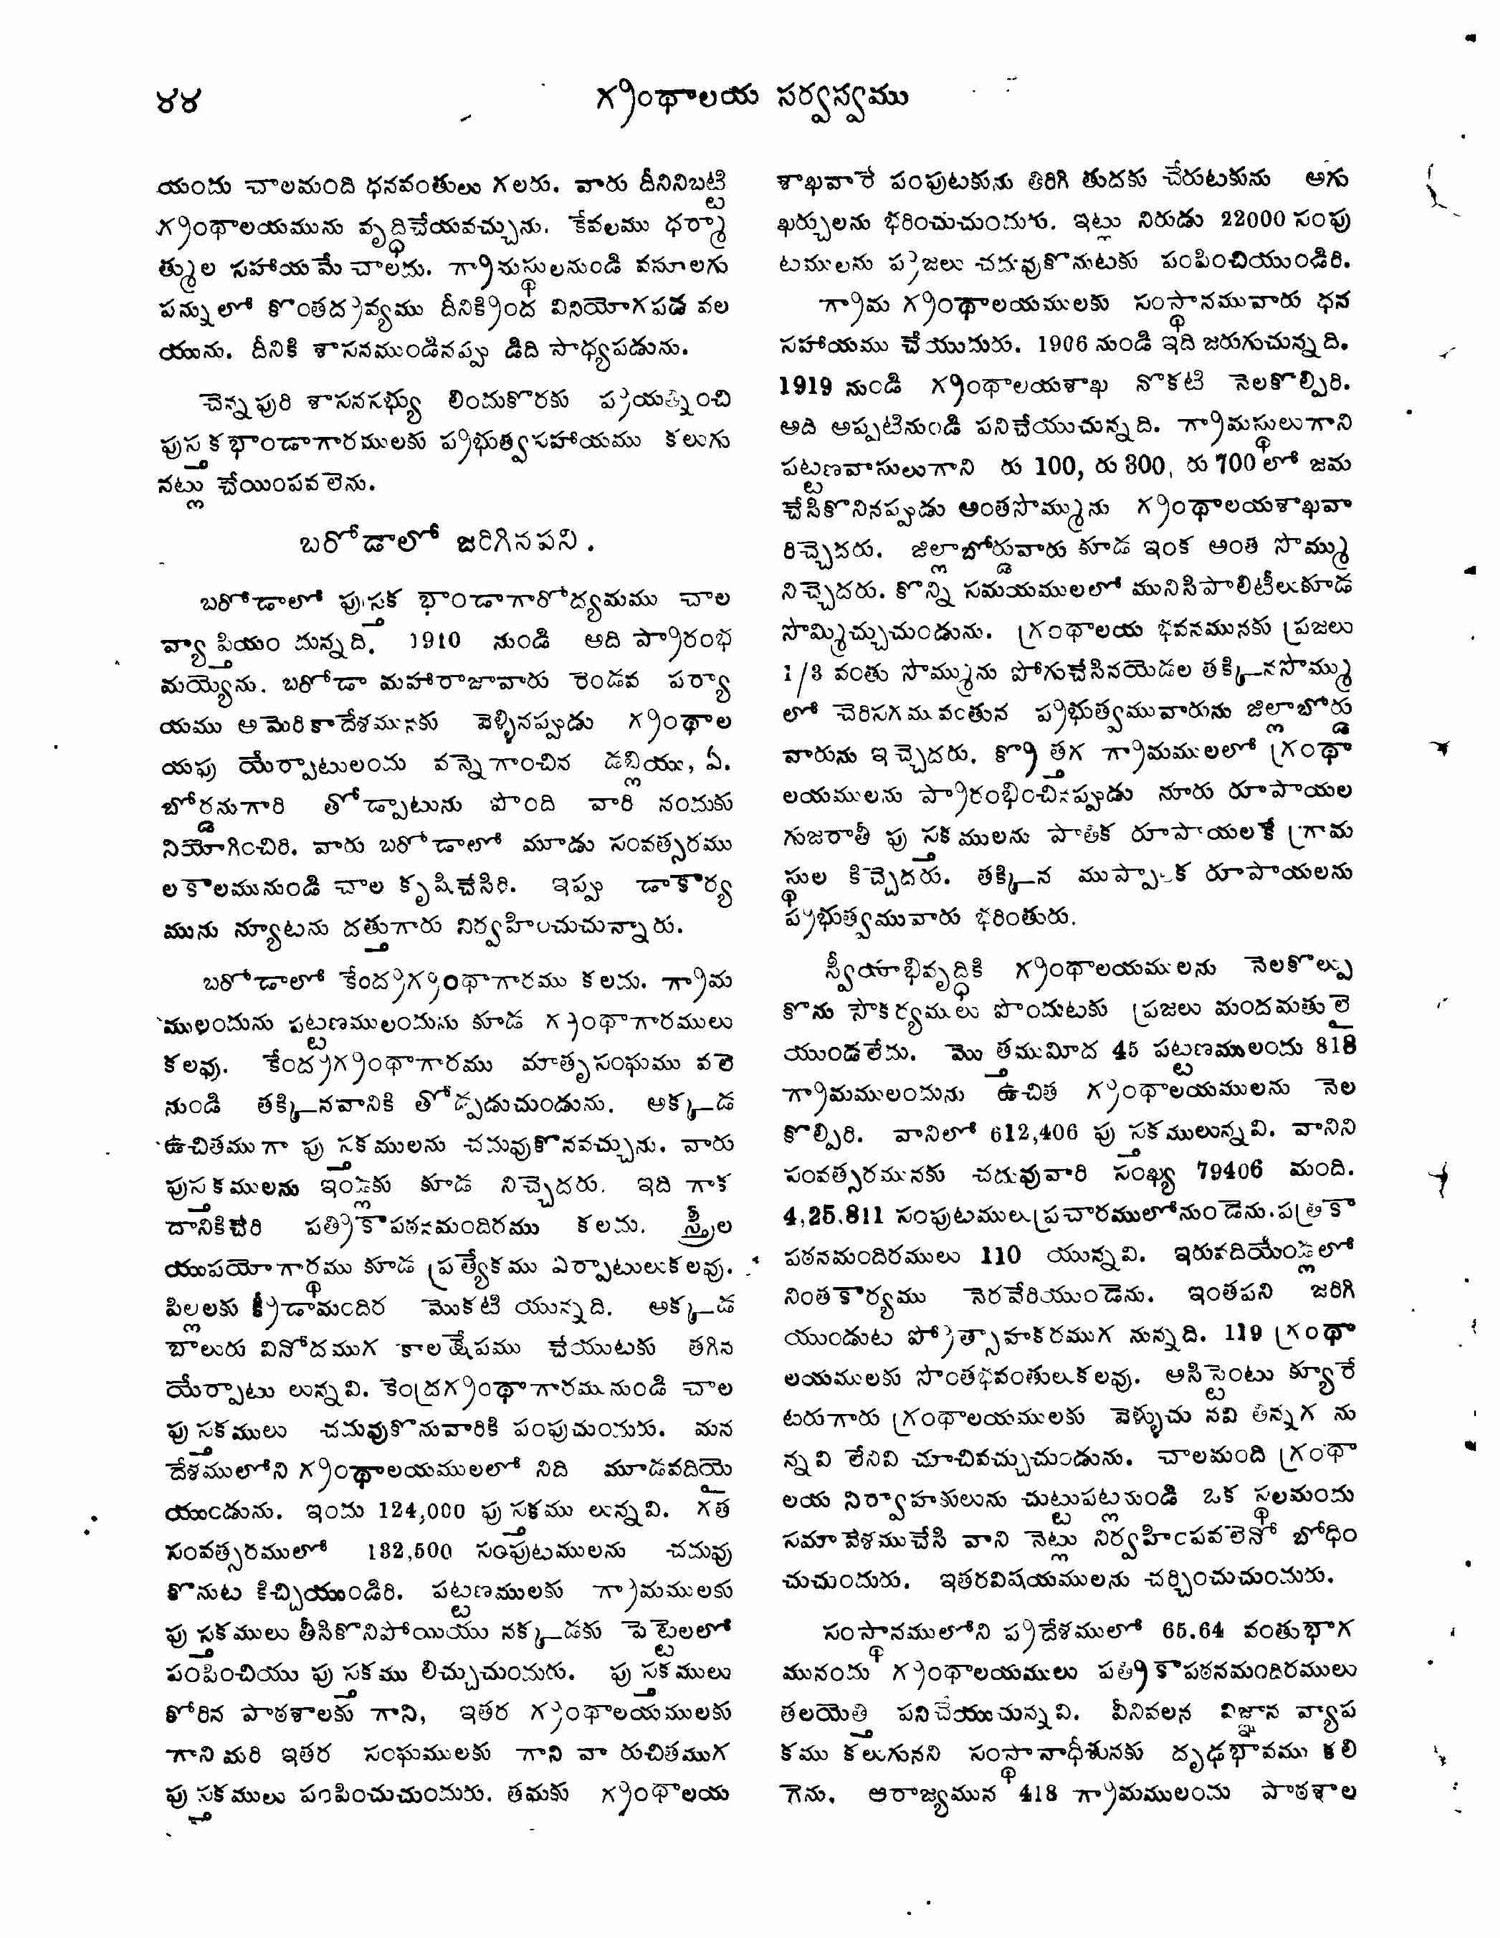యందు చాలమంది ధనవంతులు గలరు. వారు దీనినిబట్టి గ్రంథాలయమును వృద్ధిచేయవచ్చును. కేవలము ధర్మాత్ముల సహాయమే చాలదు. గ్రామస్థులనుండి వసూలగు పన్నులో కొంతద్రవ్యము దీనికింద వినియోగపడ వలయును. దీనికి శాసన ముండినప్పుడిది సాధ్యపడును.

చెన్నపురి శాసనసభ్యు లిందుకొరకు ప్రయత్నించి పుస్తక భాండాగారములకు ప్రభుత్వ సహాయము కలుగునట్లు చేయింపవలెను.

బరోడాలో పుస్తక భాండాగారోద్యమము చాల వ్యాప్తియం దున్నది. 1910 నుండి అది ప్రారంభమయ్యెను. బరోడా మహారాజావారు రెండవ పర్యాయము అమెరికా దేశమునకు వెళ్ళినప్పుడు గ్రంథాలయపు యేర్పాటులందు వన్నె గాంచిన డబియు. ఏ. బోర్డను గారి తోడ్పాటును పొంది వారి నందుకు నియోగించిరి. వారు బరోడాలో మూడు సంవత్సరముల కాలమునుండి చాల కృషిచేసిరి. ఇప్పు డాకార్యమును న్యూటను దత్తుగారు నిర్వహించుచున్నారు.

బరోడాలో కేంద్ర గ్రంథాగారము కలదు. గ్రామములందును పట్టణములందును కూడ గ్రంథాభాండాగారములు కలవు. కేంద్ర 
గ్రంథాగారము మాతృసంఘము వలెనుండి తక్కినవానికి తోడ్పడుచుండును. అక్కడ ఉచితముగా పుస్తకములను చదువుకొనవచ్చును. వారు పుస్తకములను ఇండ్లకు కూడ నిచ్చెదరు. ఇది గాక దానికి చేరి పత్రికాపఠన మందిరము కలదు. స్త్రీల యుపయోగార్థము కూడ ప్రత్యేకము ఏర్పాటులు కలవు. పిల్లలకు క్రీడామందిర మొకటి యున్నది. అక్కడ బాలురు వినోదముగ కాలక్షేపము చేయుటకు తగిన యేర్పాటు లున్నవి. కేంద్ర గ్రంథా గారము నుండి చాల పుస్తకములు చదువుకొనువారికి పంపుచుందురు. మన దేశములోని గ్రంథాలయములలో నిది మూడవదియె యుఁడును. ఇందు 124,000 పుస్తకములు లున్నవి. గత సంవత్సరములో 182,500 సంపుటములను చదువు కొనుట కిచ్చియుండిరి. పట్టణములకు గ్రామములకు పుస్తకములు తీసికొనిపోయియు నక్కడకు పెట్టెలలో పంపించియు పుస్తకములు లిచ్చుచుందురు. పుస్తకములు కోరిన పాఠశాలకు గాని, ఇతర గ్రంథాలయములకు గాని మరి ఇతర సంఘములకు గాని వారుచితముగ పుస్తకములు పంపించుచుందురు. తమకు గ్రంథాలయ శాఖవారే పంపుటకును తిరిగి తుదకు చేరుటకును అగు ఖర్చులను భరించుచుందురు. ఇట్లు నిరుడు 22000 సంపుటములను ప్రజలు చదువుకొనుటకు పంపించియుండిరి. 

గ్రామ గ్రంథాలయములకు సంస్థానమువారు ధనసహాయము చేయుదురు. 1906 నుండి ఇది జరుగుచున్నది. 1919 నుండి గ్రంథాలయశాఖ నొకటి నెలకొల్పిరి. ఆది అప్పటినుండి పనిచేయుచున్నది. గ్రామస్థులు గాని పట్టణవాసులుగాని రు 100, రు 300, 
రు 700 లో జమచేసికొనినప్పుడు అంత సొమ్మును గ్రంథాలయశాఖవారిచ్చెదరు. జిల్లాబోరువారు కూడ ఇంక అంత సొమ్ము నిచ్చెదరు. కొన్ని సమయములలో మునిసిపాలిటీలు కూడ సొమ్మిచ్చుచుండును. గ్రంథాలయ భవనమునకు ప్రజలు 1/3 వంతు సొమ్మును పోగుచేసినయెడల తక్కిన సొమ్ములో చెరిసగము వంతున ప్రభుత్వము వారును జిల్లాబోర్డు వారును ఇచ్చెదరు. కొత్తగ గ్రామములలో గ్రంథాలయములను ప్రారంభించినప్పుడు నూరు రూపాయల గుజరాతీ పుస్తకములు పాతిక రూపాయలకే గ్రామసుల కిచ్చెదరు. తక్కిన ముప్పాక రూపాయలను ప్రభుత్వమువారు భరింతురు. 

స్వీయాభివృద్ధికి గ్రంథాలయములను నెలకొల్పుకొను సౌకర్యములు పొందుటకు ప్రజలు మందమతులై యుండలేదు. మొత్తముమీద 
45 పట్టణములందు 818 గ్రామములందును ఉచిత గ్రంథాలయములను నెలకొల్పిరి. వానిలో 612,406 పుస్తకములు లున్నవి. వానిని సంవత్సరమునకు చదువువారి సంఖ్య 79406 మంది. 4,25,811 సంపుటములు ప్రచారములో నుండెను. పత్రికా పఠనమందిరములు 110 యున్నవి. ఇరువదియేండ్లలో త కార్యము నెరవేరి యుండెను. ఇంతపని జరిగి యుండుట ప్రోత్సాహకరముగ నున్నది. 119 గ్రంథాలయములకు సొంతభవంతులు కలవు. అసిస్టెంటు క్యూరేటరుగారు గ్రంథాలయములకు వెళ్ళుచు నవితిన్నగనున్నవి లేనివి చూచివచ్చుచుండును. చాలమంది గ్రంథాలయ నిర్వాహకులును చుట్టుపట్ల నుండి ఒక స్థలమందు సమావేశముచేసి వాని నెట్లు నిర్వహిఁపవలెనో బోధించుచుందురు. ఇతరవిషయములను చర్చించుచుందురు.

సంస్థానములోని ప్రదేశములో 65.64 వంతు భాగమునందు గ్రంథాలయములు పత్రికా పఠనమందిరములు తలయెత్తి పనిచేయు
చున్నవి. వీనివలన విజ్ఞాన వ్యాపకము కలుగునని సంస్థానాధీశునకు దృఢభావము కలిగెను. ఆరాజ్యమున 418 గ్రామములందు పాఠశాల